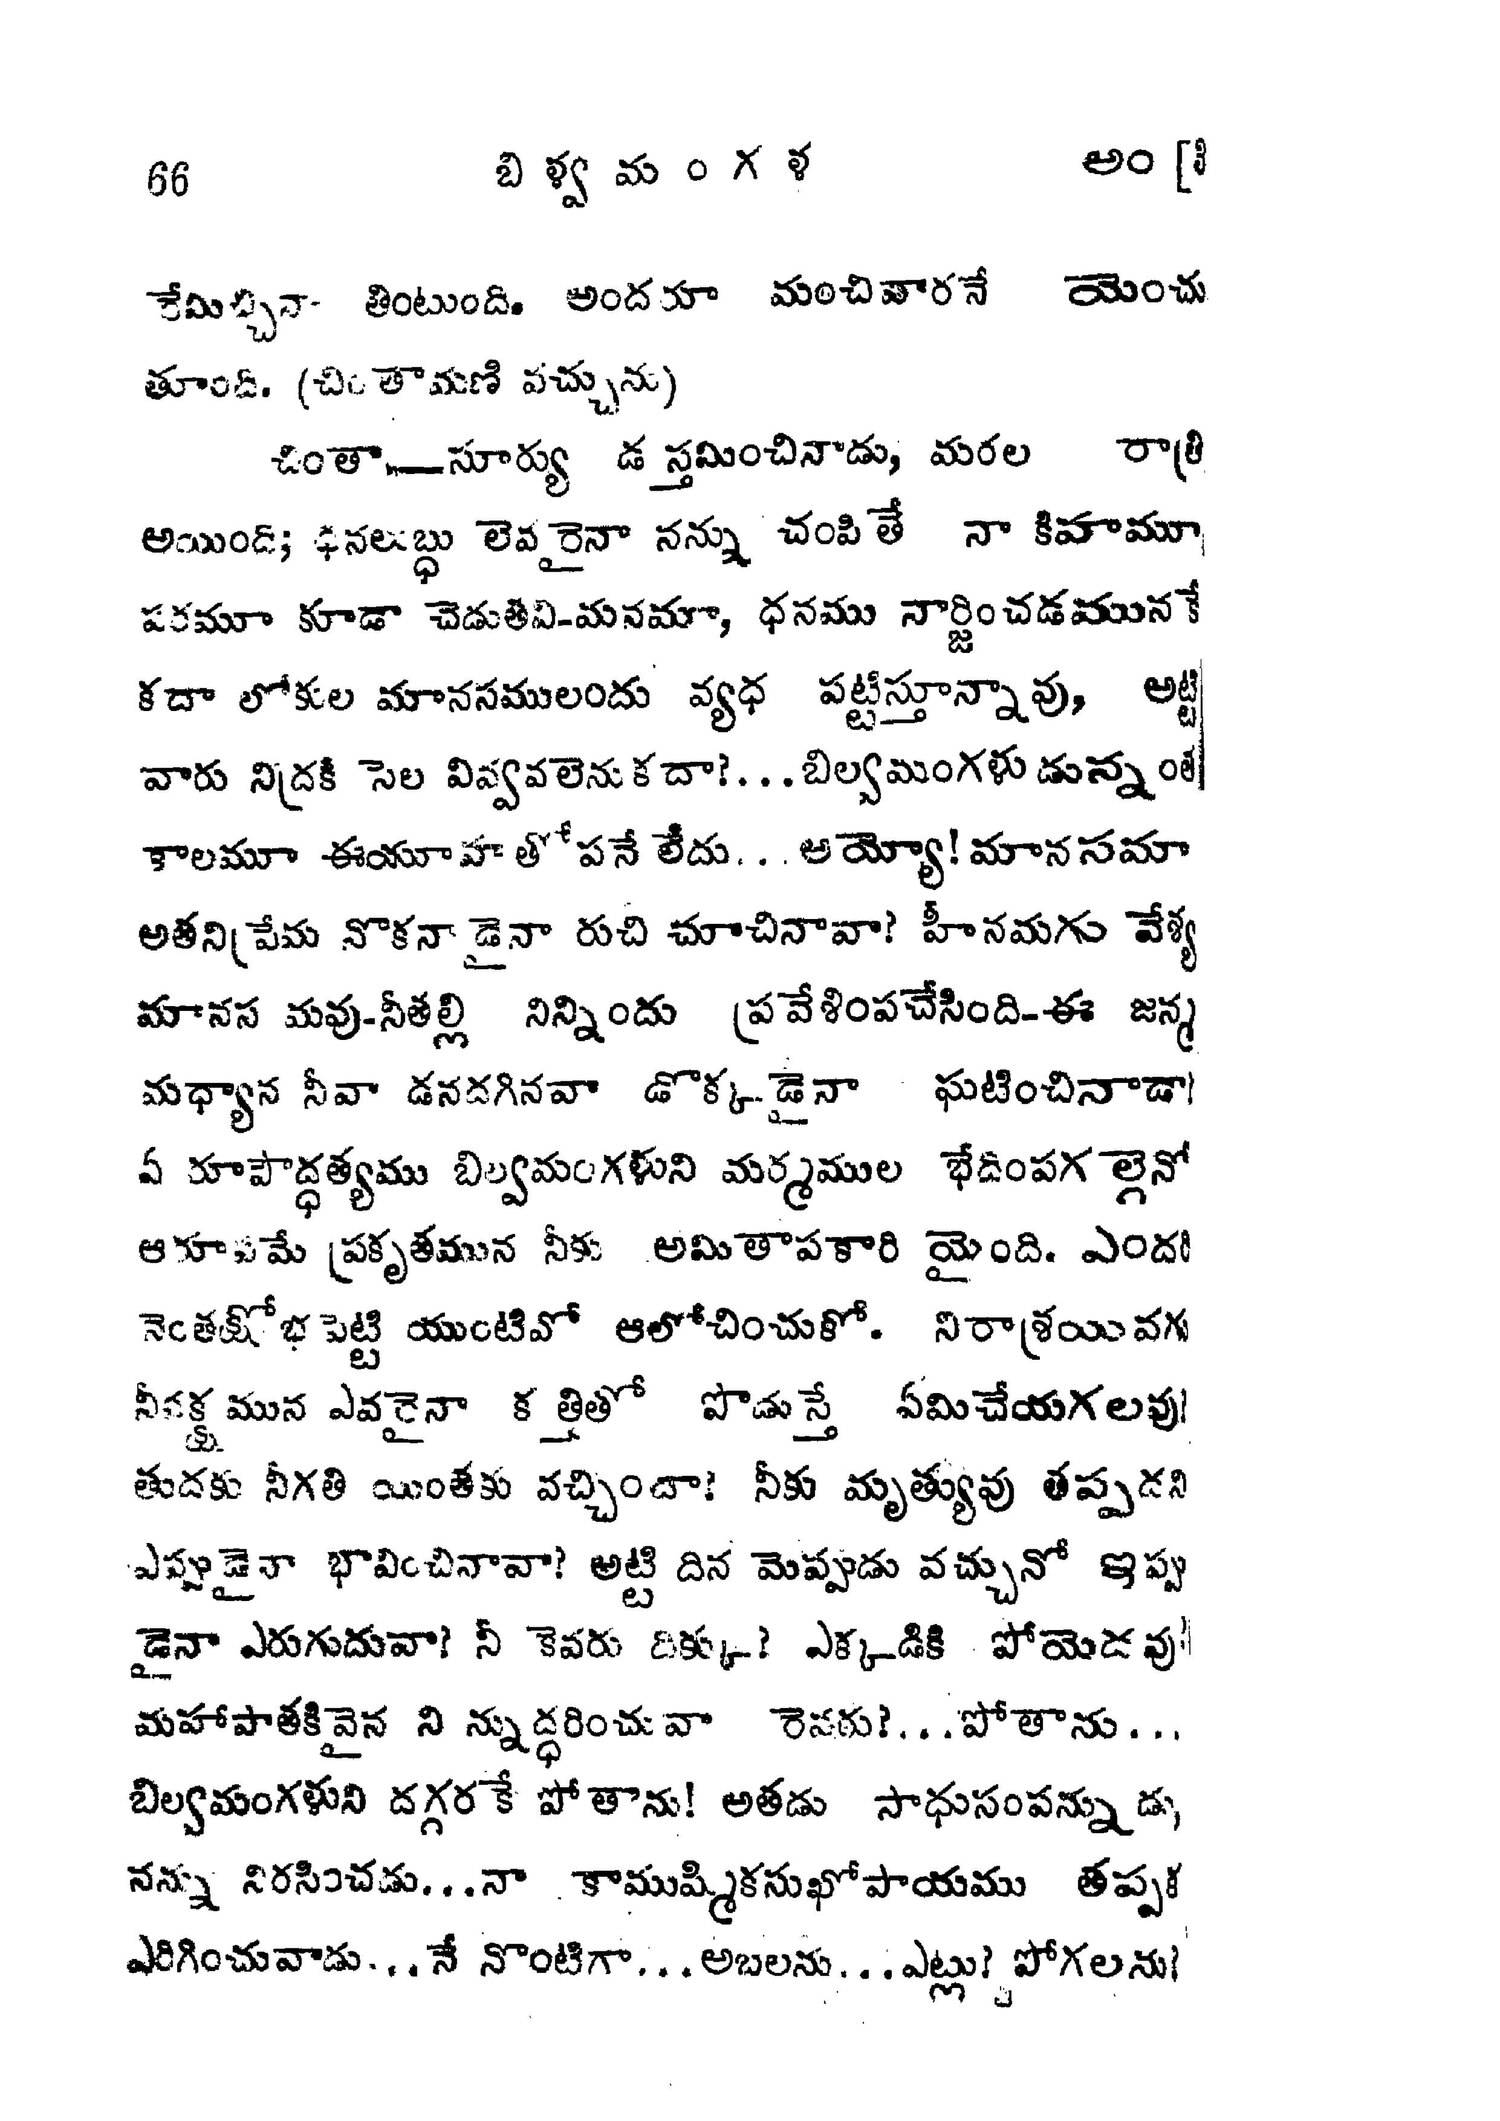రేమిచ్చినా తింటుంది. అందరూ మంచివారనే యెంచుతూంది. (చింతామణి వచ్చును)

చింతా - సూర్యు డస్తమించినాడు, మరల రాత్రి అయింది; ధనలుబ్ధు లెవరైనా నన్ను చంపితే నా కిహమూ పరమూ కూడా చెడుతవి-మనమా, ధనము నార్జించడమునకే కదా లోకుల మానసములందు వ్యధ పట్టిస్తూన్నావు, అట్టి వారు నిద్రకి సెల వివ్వవలెనుకదా?...బిల్వమంగళుడున్నంత కాలము ఈయూహతోపనే లేదు..అయ్యో! మానసమా అతనిప్రేమ నొకనాడైనా రుచి చూచినావా? హీనమగు వేశ్య మానస మవు-నీతల్లి నిన్నిందు ప్రవేశింపచేసింది-ఈ జన్మ మధ్యాన నీవా డనదగినవా డొక్కడైనా ఘటించినాడా? ఏ రూపౌద్ధత్యము బిల్వమంగళుని మర్మముల భేదింపగల్గెనో ఆరూపమే ప్రకృతమున నీకు అమితాపకారి యైంది. ఎందరి నెంతక్షోభపెట్టి యుంటివో ఆలోచించుకో. నిరాశ్రయివగు నీవక్క్షమున ఎవరైనా కత్తితో పొడుస్తే ఏమిచేయగలవు? తుదకు నీగతి యింతకు వచ్చిందా? నీకు మృత్యువు తప్పదని ఎప్పుడైనా భావించినావా? అట్టి దిన మెప్పుడు వచ్చునో ఇప్పుడైనా ఎరుగుదువా? నీ కెవరు దిక్కు? ఎక్కడికి పోయెదవు? మహాపాతకివైన ని న్నుద్ధరించువా రెవరు?...పోతాను... బిల్వమంగళుని దగ్గరకే పోతాను! అతడు సాధుసంపన్నుడు, నన్ను నిరసించడు...నా కాముష్మికసుఖోపాయము తప్పక ఎరిగించువాడు... నే నొంటిగా... అబలను....ఎట్లు? పోగలను?